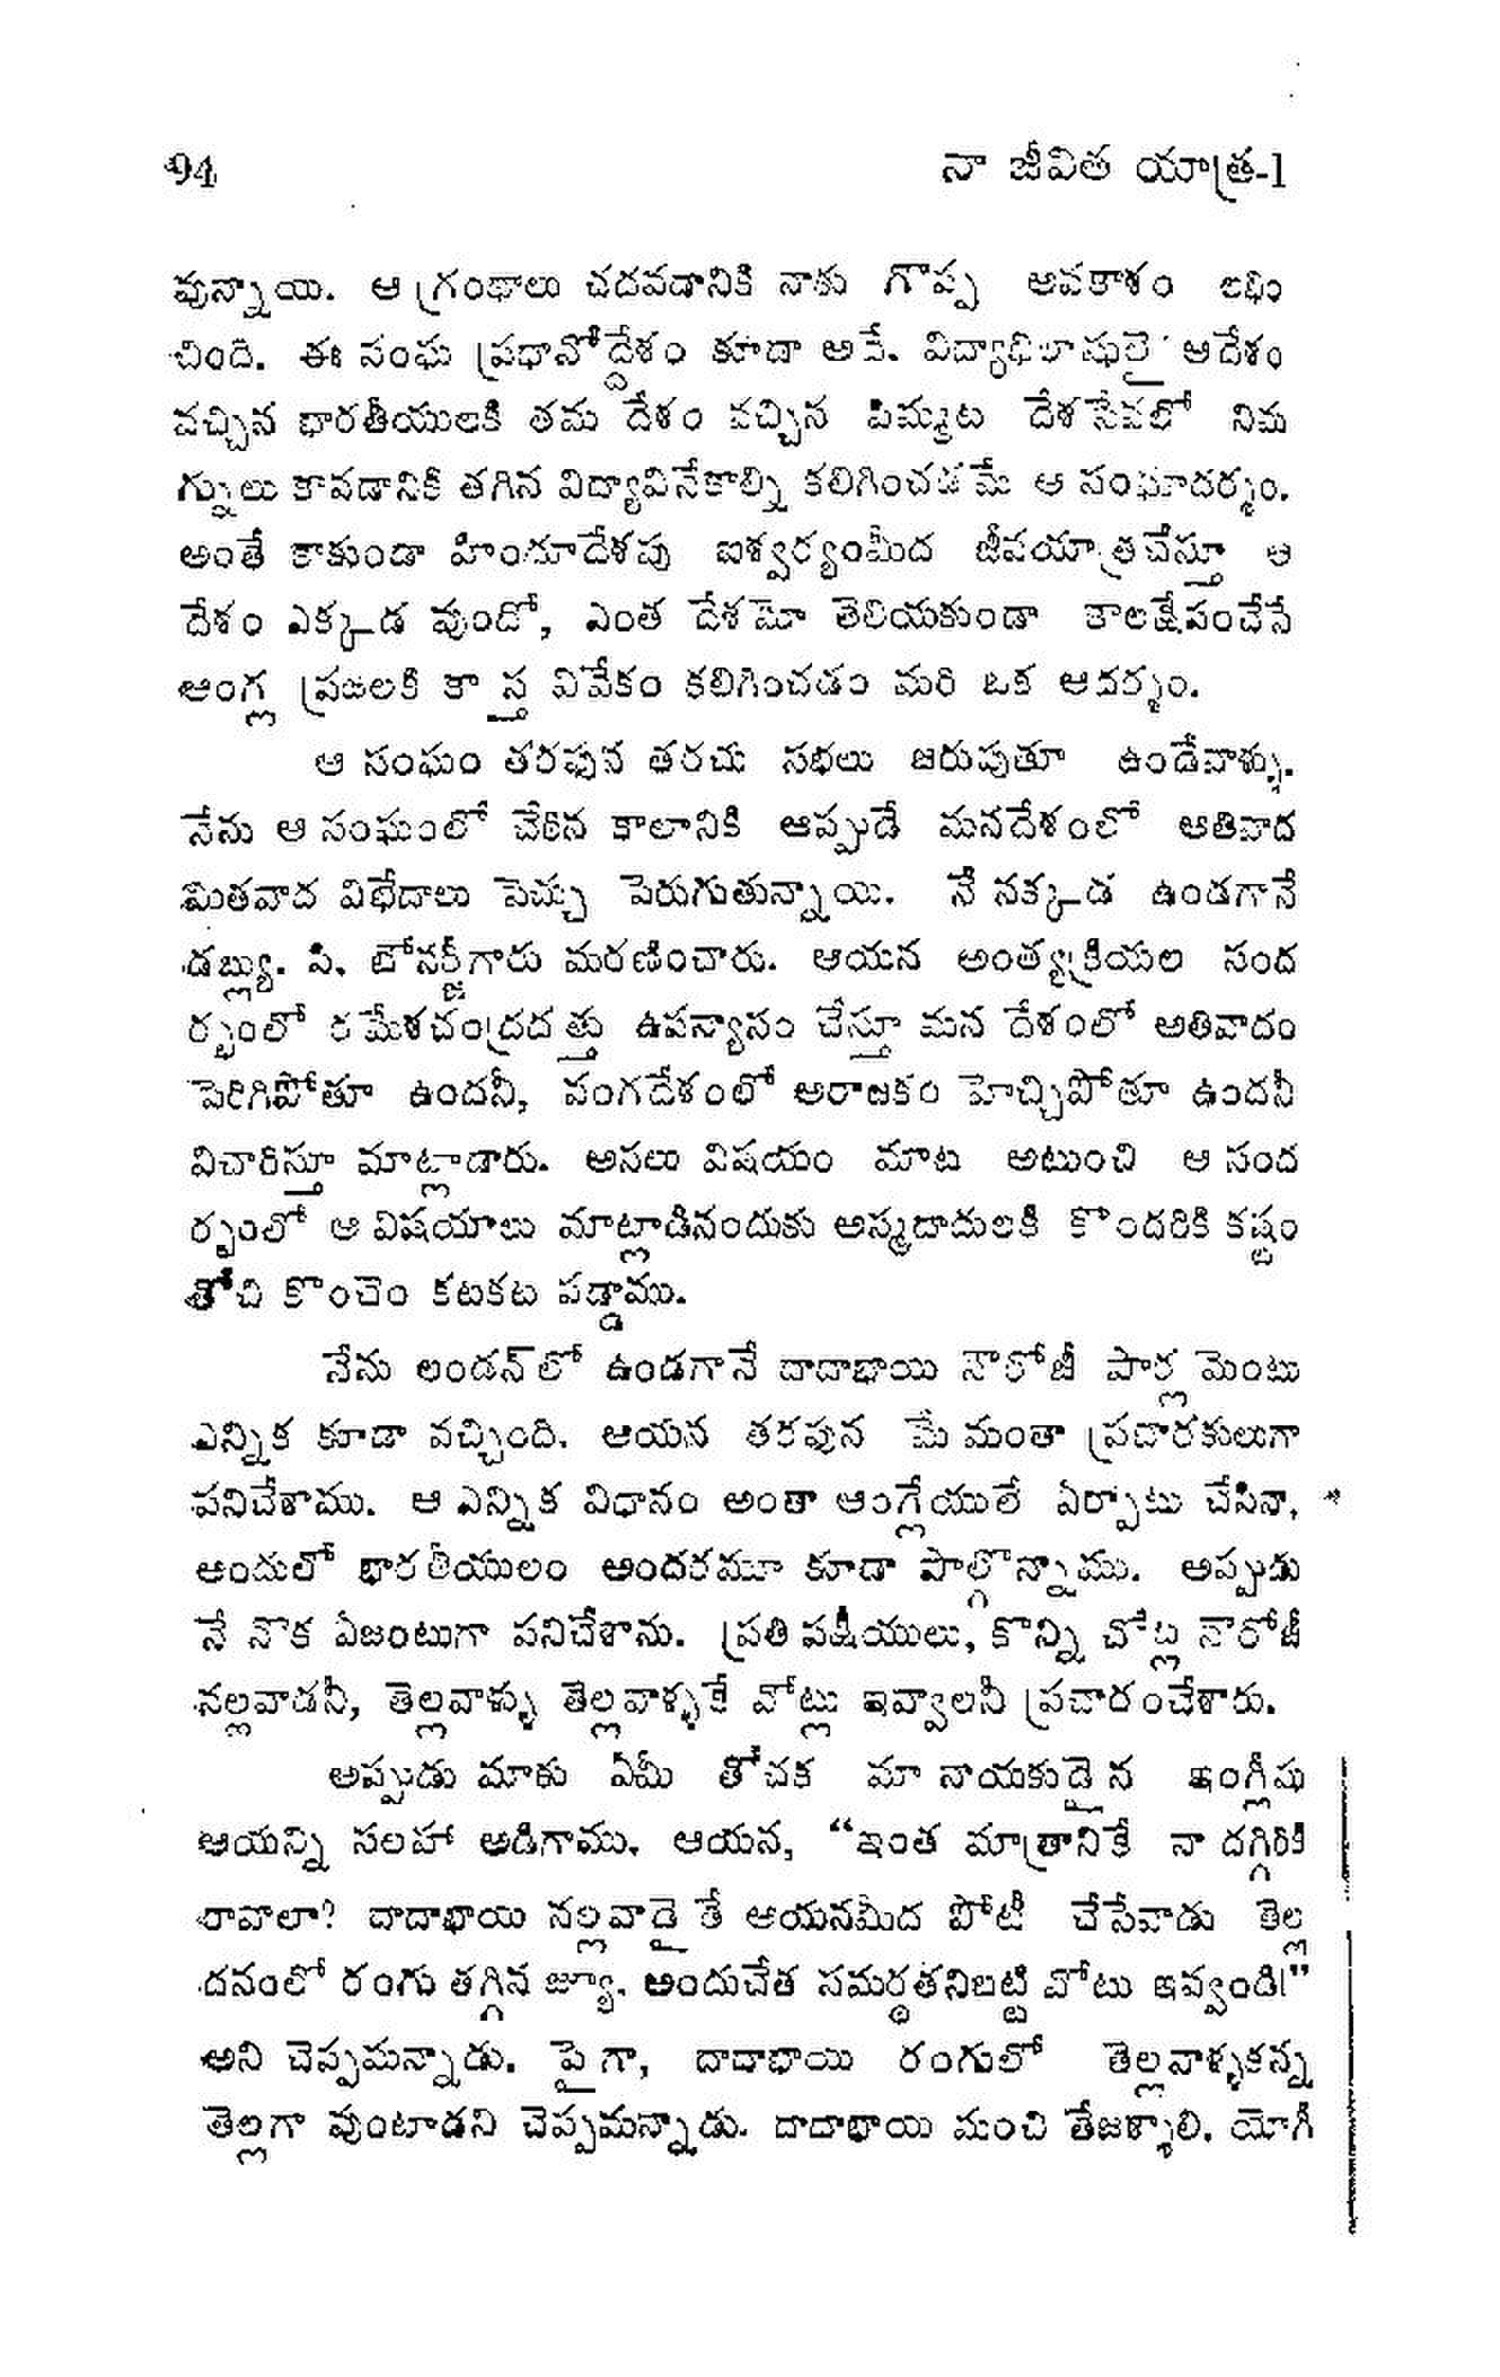వున్నాయి. ఆ గ్రంథాలు చదవడానికి నాకు గొప్ప అవకాశం లభించింది. ఈ సంఘ ప్రధానోద్దేశం కూడా అదే. విద్యాభిలాషులై ఆదేశం వచ్చిన భారతీయులకి తమ దేశం వచ్చిన పిమ్మట దేశసేవలో నిమగ్నులు కావడానికి తగిన విద్యావినేకాల్ని కలిగించడమే ఆ సంఘాదర్శం. అంతే కాకుండా హిందూదేశపు ఐశ్వర్వంమీద జీవయాత్రచేస్తూ ఆ దేశం ఎక్కడ వుందో, ఎంత దేశమో తెలియకుండా కాలక్షేపంచేసే ఆంగ్ల ప్రజలకి కాస్త వివేకం కలిగించడం మరి ఒక ఆదర్శం.

ఆ సంఘం తరపున తరచు సభలు జరుపుతూ ఉండేవాళ్ళు. నేను ఆ సంఘంలో చేరిన కాలానికి అప్పుడే మనదేశంలో అతివాద మితవాద విభేదాలు పెచ్చు పెరుగుతున్నాయి. నే నక్కడ ఉండగానే డబ్ల్యు. సి. బోనర్జీగారు మరణించారు. ఆయన అంత్యక్రియల సందర్భంలో రమేశచంద్రదత్తు ఉపన్యాసం చేస్తూ మన దేశంలో అతివాదం పెరిగిపోతూ ఉందనీ, వంగదేశంలో అరాజకం హెచ్చిపోతూ ఉందనీ విచారిస్తూ మాట్లాడారు. అసలు విషయం మాట అటుంచి ఆ సందర్భంలో ఆ విషయాలు మాట్లాడినందుకు అస్మదాదులకి కొందరికి కష్టం తోచి కొంచెం కటకట పడ్డాము.

నేను లండన్‌లో ఉండగానే దాదాభాయి నొరోజీ పార్లమెంటు ఎన్నిక కూడా వచ్చింది. ఆయన తరపున మేమంతా ప్రచారకులుగా పనిచేశాము. ఆ ఎన్నిక విధానం అంతా ఆంగ్లేయులే ఏర్పాటు చేసినా, అందులో భారతీయులం అందరమూ కూడా పాల్గొన్నాము. అప్పుడు నే నొక ఏజంటుగా పనిచేశాను. ప్రతి పక్షియులు, కొన్ని చోట్ల నొరోజీ నల్లవాడనీ, తెల్లవాళ్ళు తెల్లవాళ్ళకే వోట్లు ఇవ్వాలనీ ప్రచారంచేశారు.

అప్పుడు మాకు ఏమీ తోచక మా నాయకుడైన ఇంగ్లీషు ఆయన్ని సలహా అడిగాము. ఆయన, "ఇంత మాత్రానికే నా దగ్గిరికి రావాలా? దాదాభాయి నల్లవాడైతే ఆయనమీద పోటీ చేసేవాడు తెల్లదనంలో రంగు తగ్గిన జ్యూ. అందుచేత సమర్థతనిబట్టి వోటు ఇవ్వండి!" అని చెప్పమన్నాడు. పైగా, దాదాభాయి రంగులో తెల్లవాళ్ళకన్న తెల్లగా వుంటాడని చెప్పమన్నాడు. దాదాభాయి మంచి తేజశ్శాలి, యోగీ